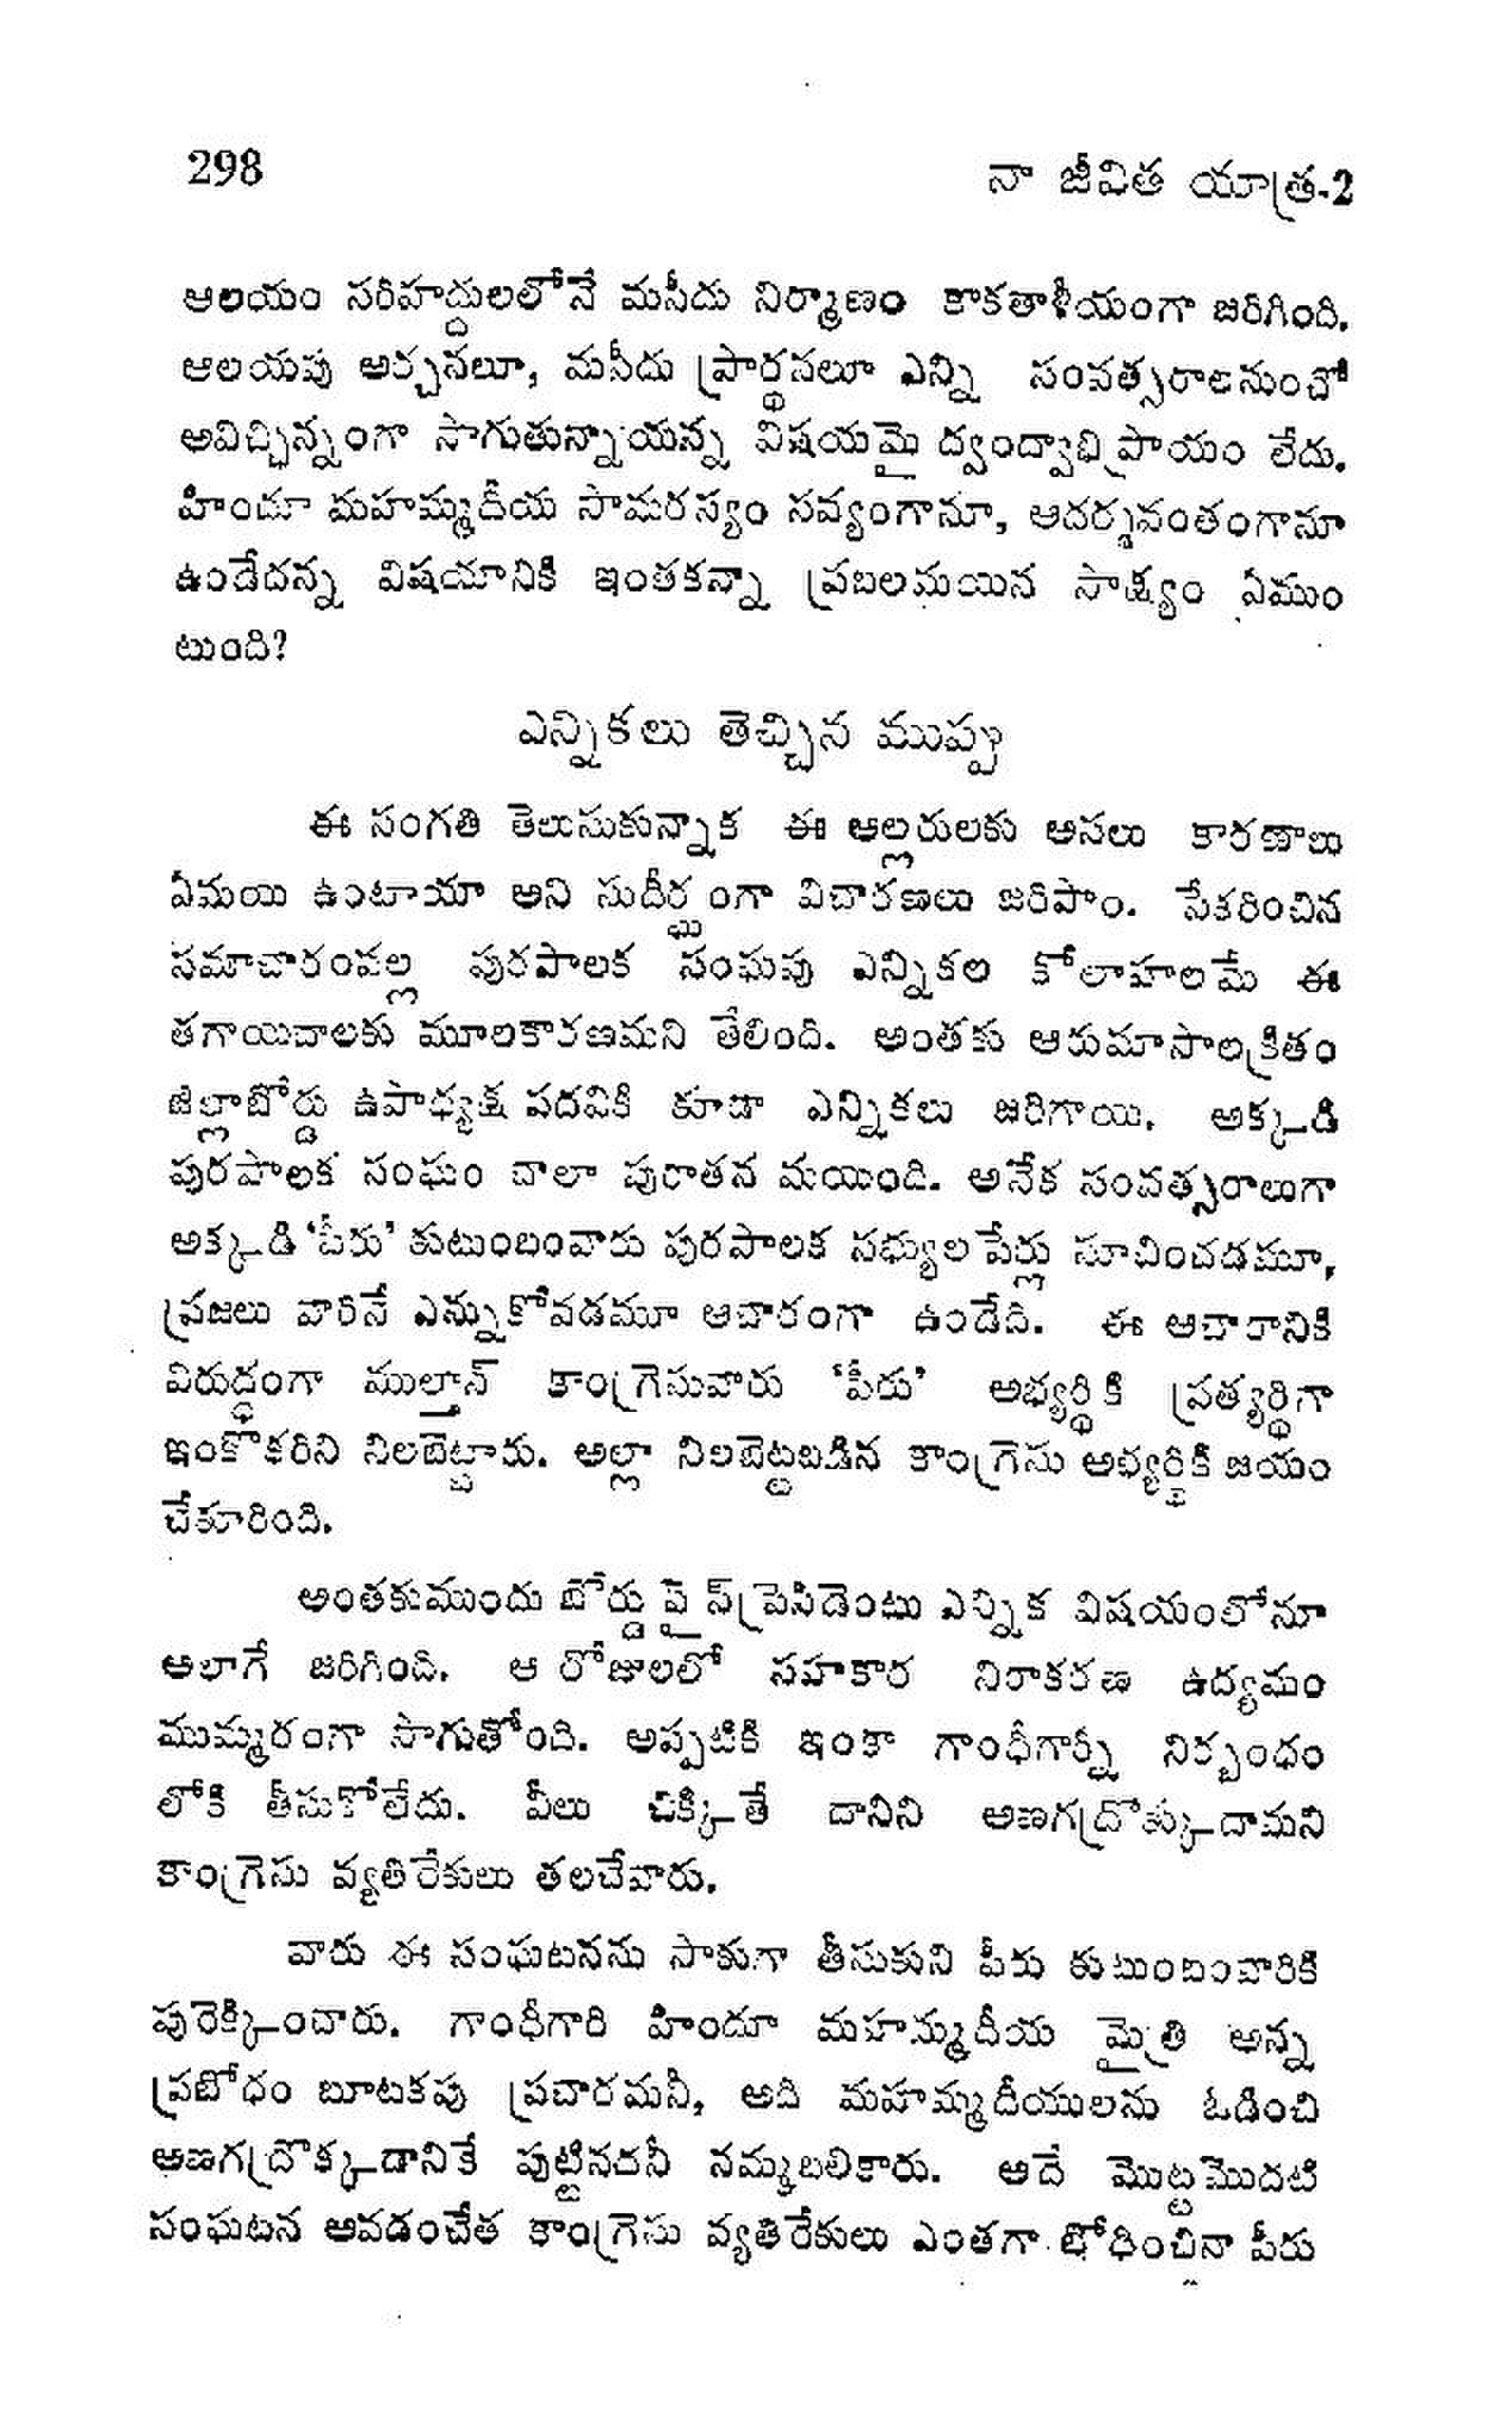ఆలయం సరిహద్దులలోనే మసీదు నిర్మాణం కాకతాళీయంగా జరిగింది. ఆలయపు అర్చనలూ, మసీదు ప్రార్థనలూ ఎన్ని సంవత్సరాలనుంచో అవిచ్చిన్నంగా సాగుతున్నాయన్న విషయమై ద్వంద్వాభిప్రాయం లేదు. హిందూ మహమ్మదీయ సామరస్యం సవ్యంగానూ, ఆదర్శవంతంగానూ ఉండేదన్న విషయానికి ఇంతకన్నా ప్రబలమయిన సాక్ష్యం ఏముంటుంది?

ఈ సంగతి తెలుసుకున్నాక ఈ అల్లరులకు అసలు కారణాలు ఏమయి ఉంటాయా అని సుదీర్ఘంగా విచారణలు జరిపాం. సేకరించిన సమాచారంవల్ల పురపాలక సంఘపు ఎన్నికల కోలాహలమే ఈ తగాయిదాలకు మూలకారణమని తేలింది. అంతకు ఆరుమాసాలక్రితం జిల్లాబోర్డు ఉపాధ్యక్ష పదవికి కూడా ఎన్నికలు జరిగాయి. అక్కడి పురపాలక సంఘం చాలా పురాతన మయింది. అనేక సంవత్సరాలుగా అక్కడి "పీరు" కుటుంబంవారు పురపాలక సభ్యులపేర్లు సూచించడమూ, ప్రజలు వారినే ఎన్నుకోవడమూ ఆచారంగా ఉండేది. ఈ ఆచారానికి విరుద్ధంగా ముల్తాన్ కాంగ్రెసువారు "పీరు" అభ్యర్థికి ప్రత్యర్థిగా ఇంకొకరిని నిలబెట్టారు. అల్లా నిలబెట్టిన కాంగ్రెసు అభ్యర్థికి జయం చేకూరింది.

అంతకుముందు బోర్డు వైస్‌ప్రెసిడెంటు ఎన్నిక విషయంలోనూ అలాగే జరిగింది. ఆ రోజులలో సహకార నిరాకరణ ఉద్యమం ముమ్మరంగా సాగుతోంది. అప్పటికి ఇంకా గాంధీగార్ని నిర్బంధంలోకి తీసుకోలేదు. వీలు చిక్కితే దానిని అణగద్రొక్కుదామని కాంగ్రెసు వ్యతిరేకులు తలచేవారు.

వారు ఈ సంఘటనను సాకుగా తీసుకుని పీరు కుటుంబంవారికి పురెక్కించారు. గాంధీగారి హిందూ మహమ్మదీయ మైత్రి అన్న ప్రబోధం బూటకపు ప్రచారమనీ, అది మహమ్మదీయులను ఓడించి అణగద్రొక్కడానికే పుట్టినదనీ నమ్మబలికారు. అదే మొట్టమొదటి సంఘటన అవడంచేత కాంగ్రెసు వ్యతిరేకులు ఎంతగా బోధించినా పీరు